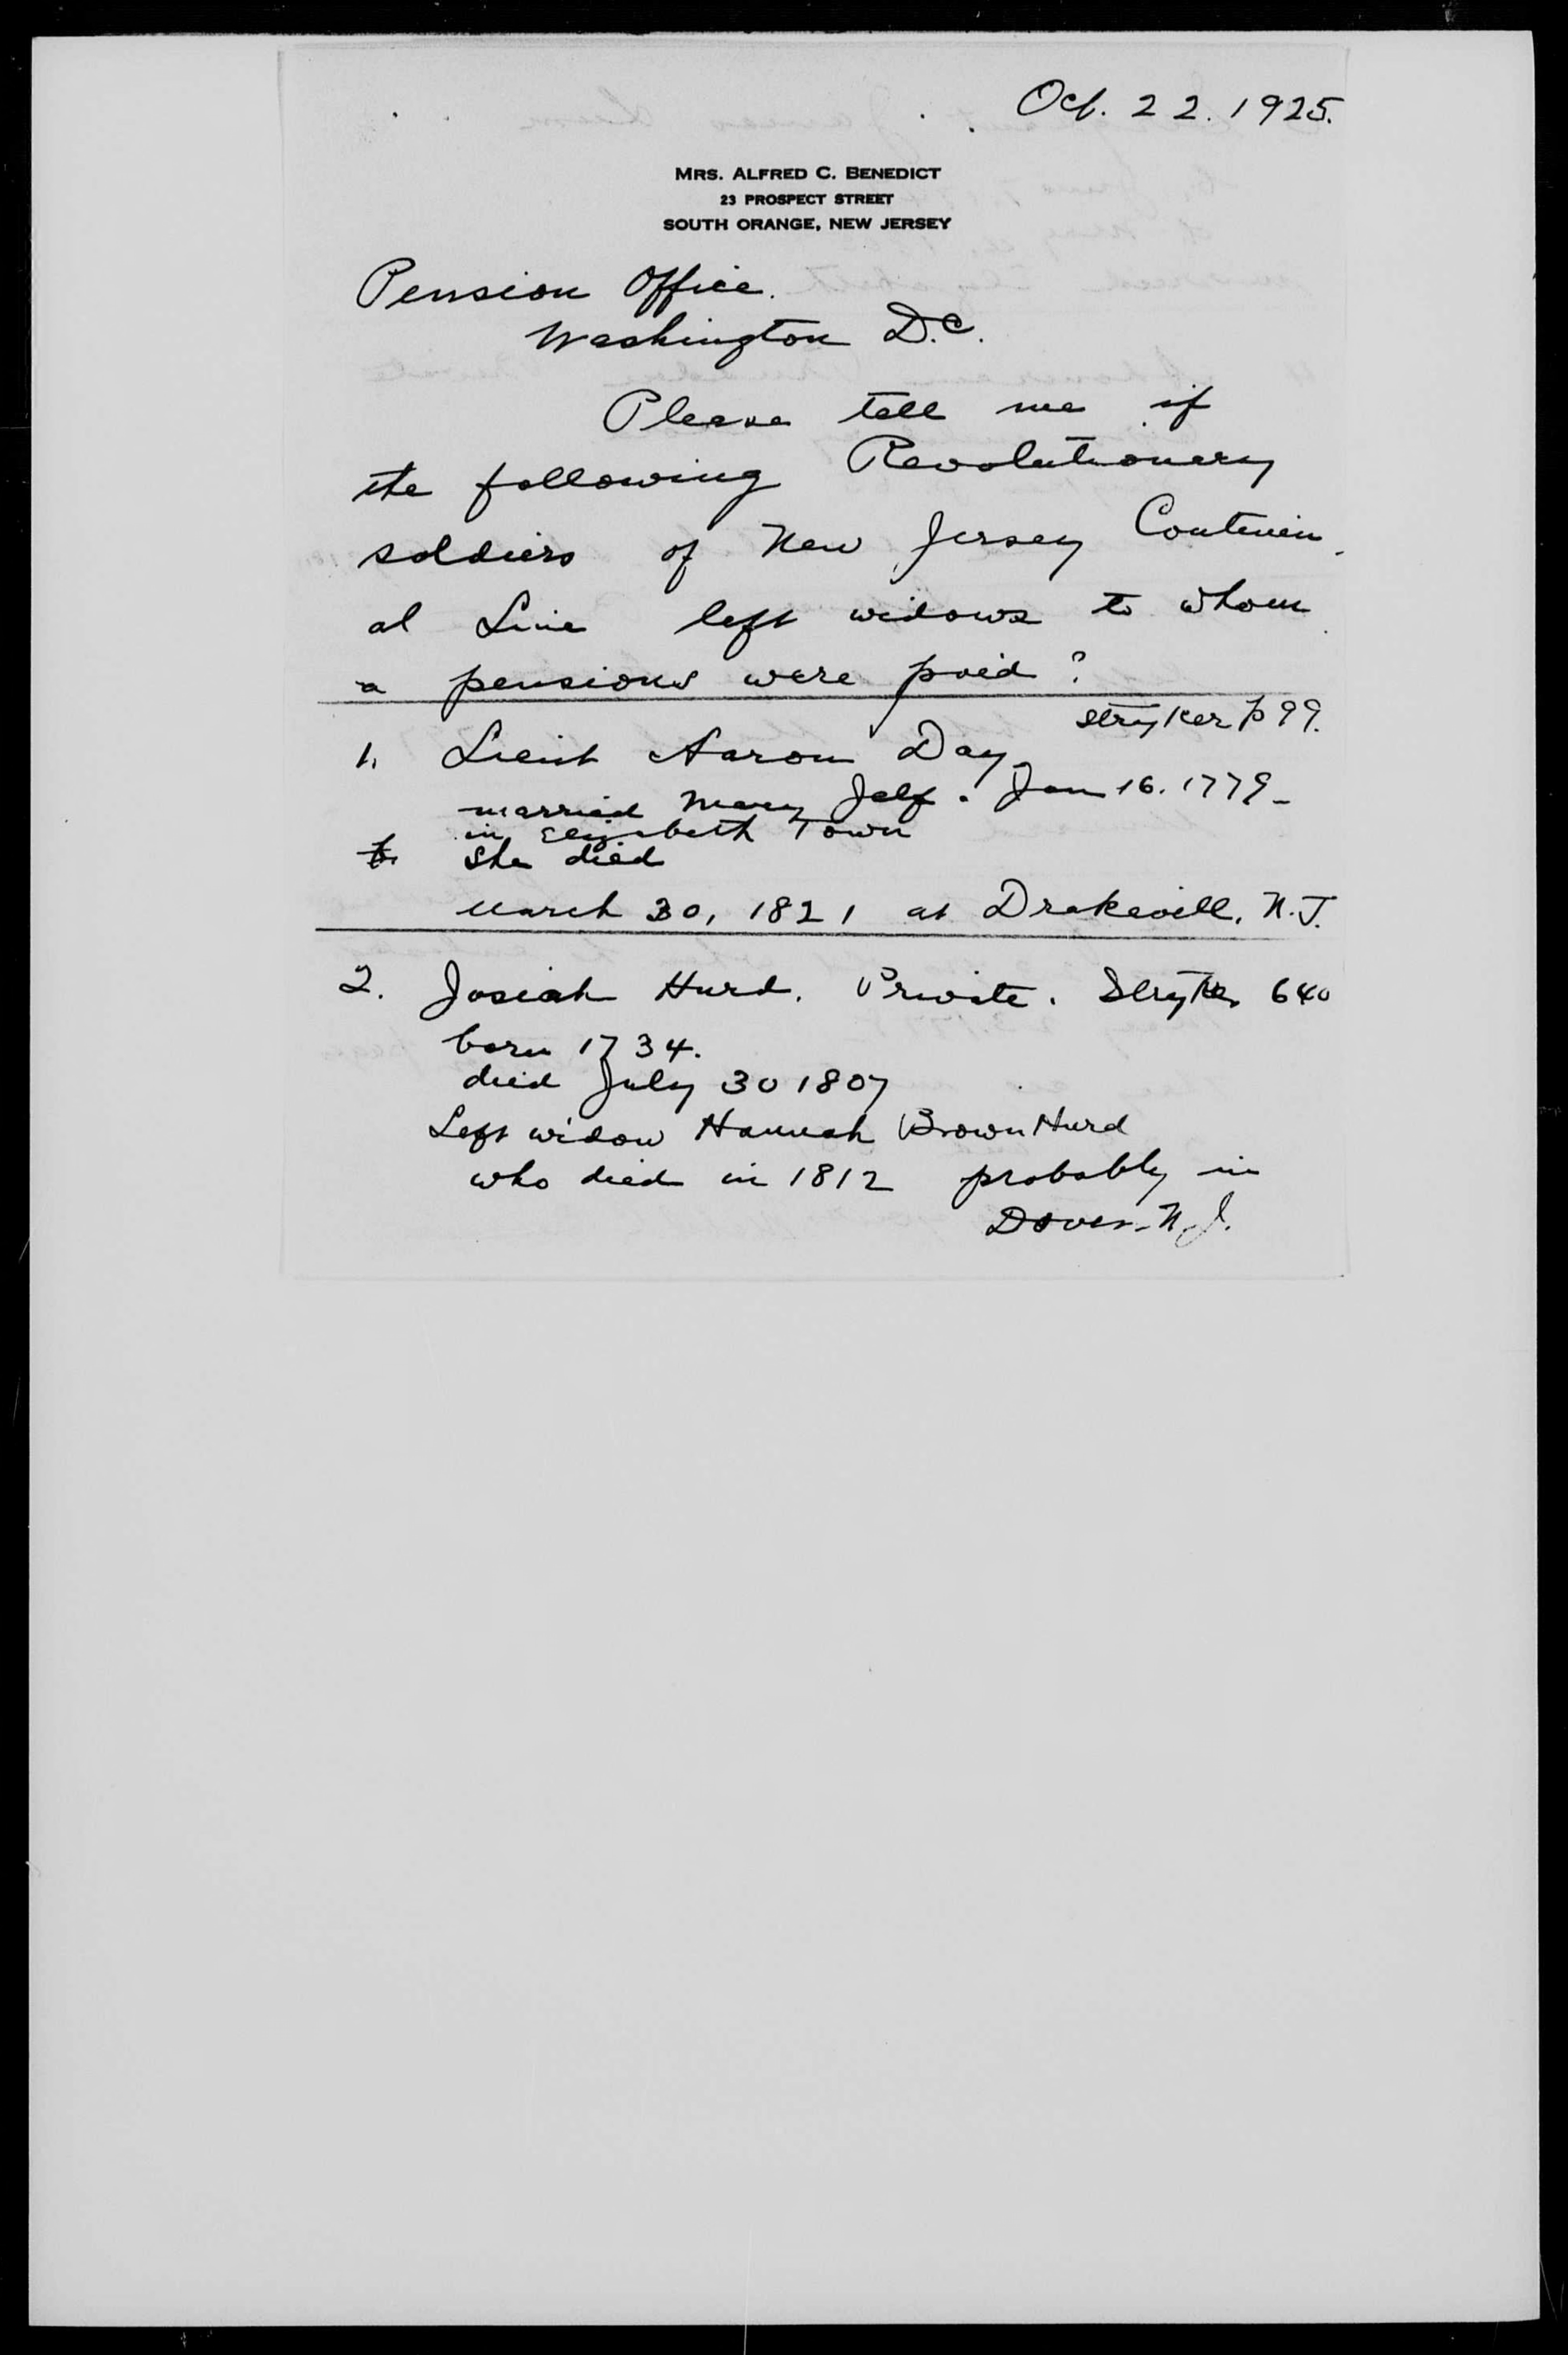Oct. 22. 1925.
Mrs. Alfred C. Benedict
23 Prospect Street
South Orange, New Jersey

Pension Office
Washington D.C.

Please tell me if the following Revolutionary soldiers of New Jersey Continental Line left widows to whom a pension were paid?
1. Lieut Aaron Day        stryker p99.
married Mary Jeff. Jan 16 1779-
in Elizabeth Town
she died
March 30, 1821 at Drakevill N.J.
2. Josiah Hurd Private.  Stryker 640
born 1734
died July 30 1807
left widow Hannah Brown Hurd
who died in 1812 probably in Dover, N.J.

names: Josiah Hurd, Hannah Brown Hurd, Aaron Day, Mary Jelf, Alfred C Benedict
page: 10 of 15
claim: bounty land warrant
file: B. L. Wt. 1849-200, Aaron Day, New Jersey